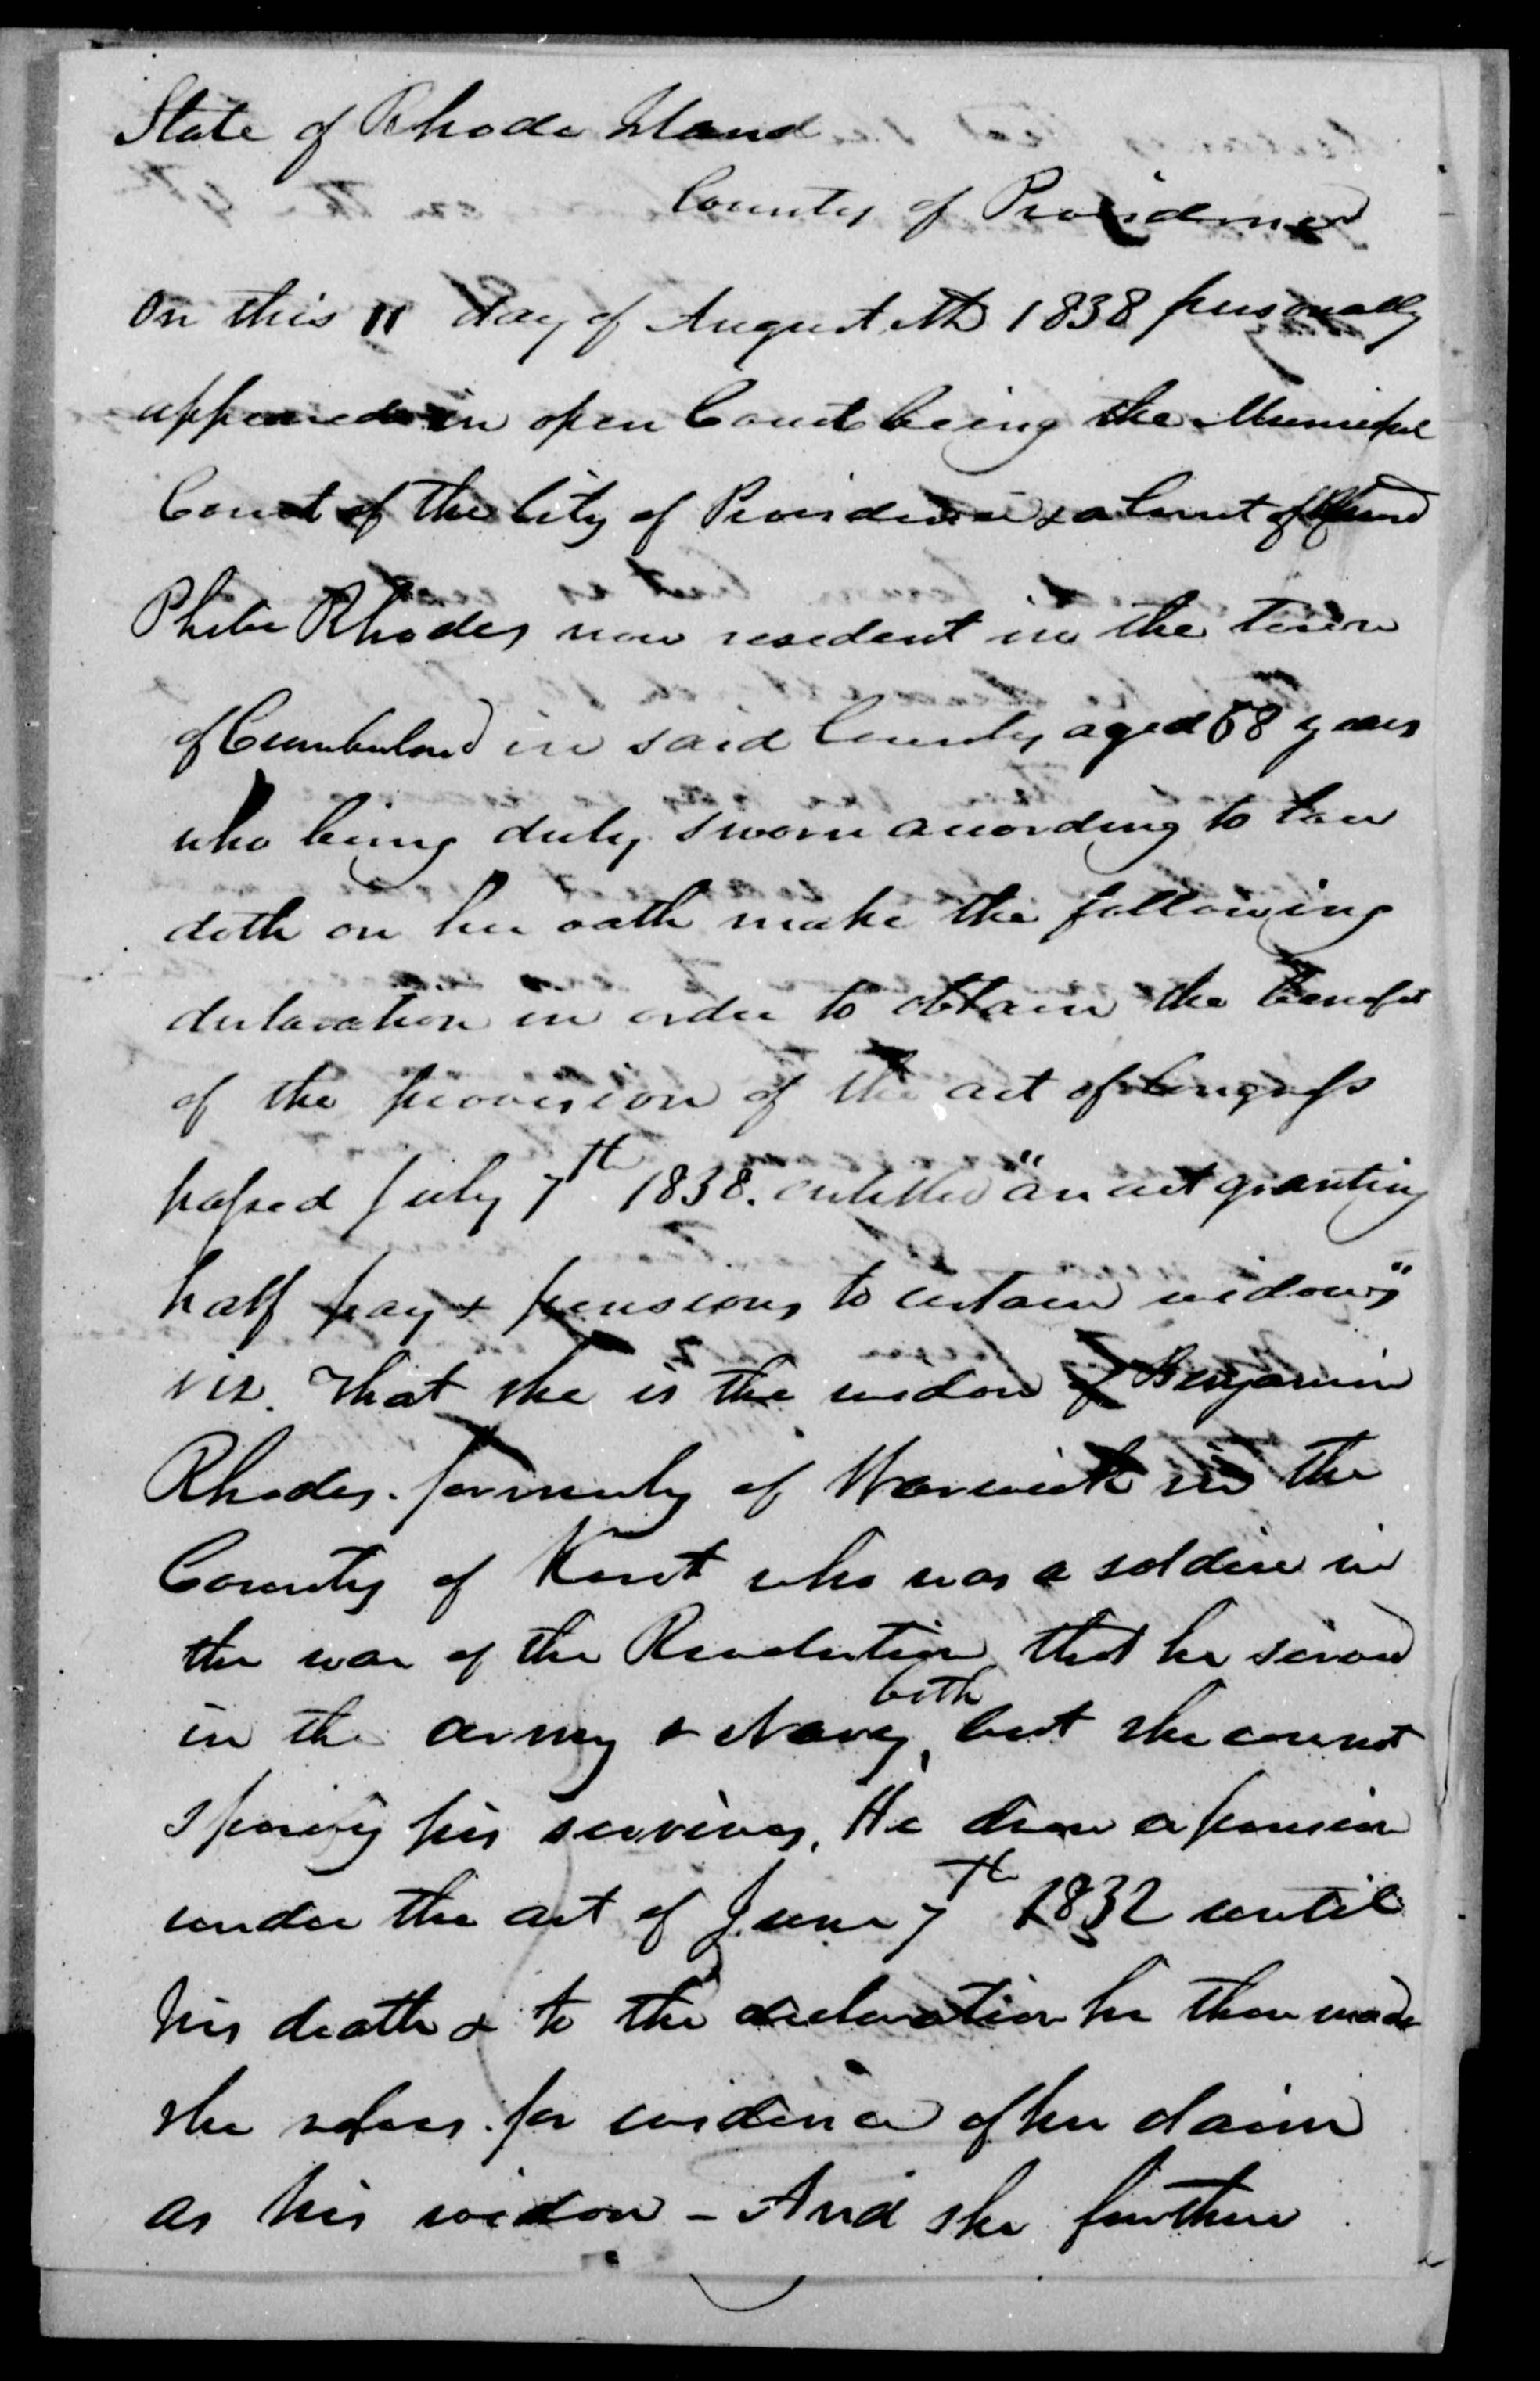State of Rhode Island
County of Providence
On this 11 day of August AD 1838 personally appeared in open Court being the Municipal Court of the City of Providence & Court of Record Phebe Rhodes now resident in the town of Cumberland in said County aged 68 years who being duly sworn according to law doth on her oath make the following declaration in order to obtain the benefit of the provisions of the Act of Congress passed July 7th 1838 entitled an act granting half pay & pensions to certain widows viz. That she is the widow of Benjamin Rhodes formerly of  Warwick in the County of Kent who was a soldier in the War of the Revolution that he served in the army & navy, both but she cannot testify his services. He drew a pension under the act of June 7th 1832 until his death & to the declaration he then under this refer for evidence of her claim as his widow - And she further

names: Benjamin Rhodes; Phebe Rhodes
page: 6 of 50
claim: widow's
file: W. 22058, for Benjamin Rhodes, Rhode Island